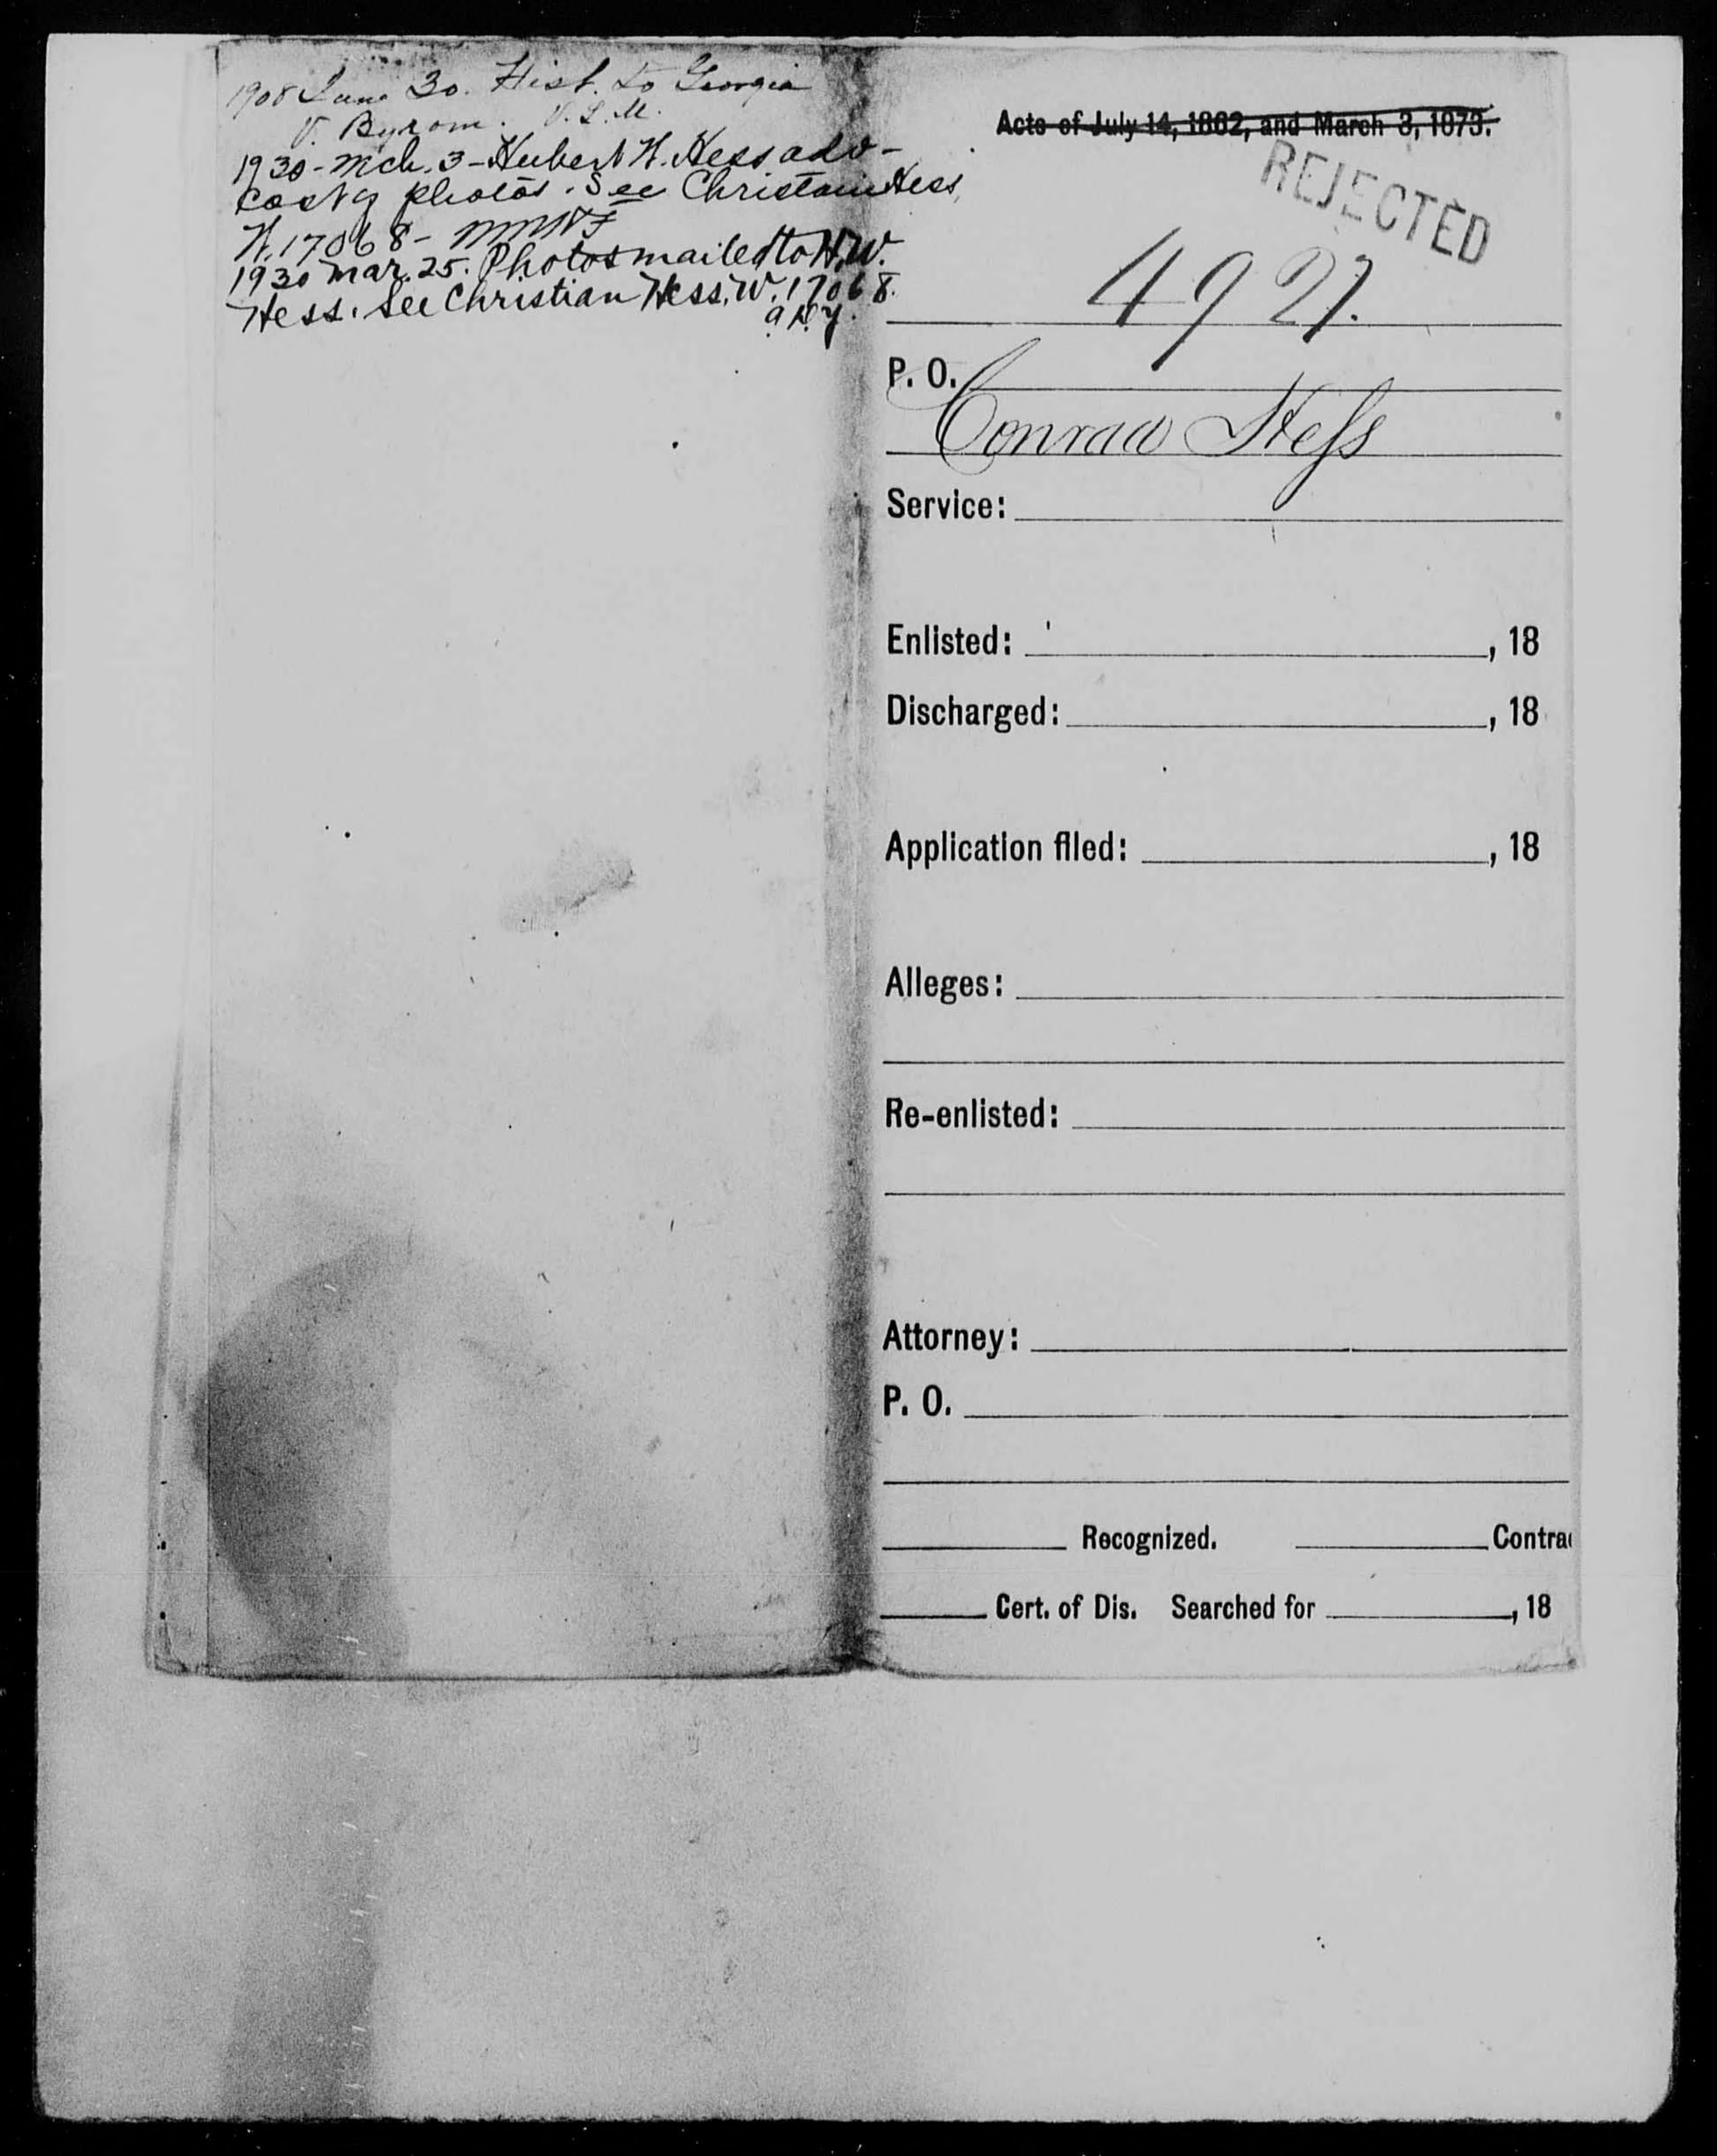[handwritten]

1908 June 30. Hist. to Georgia V. Byrom. V.L.M.
1930 - Mch. 3 - Herbert W. Hess add -
[?] photos. See Christian Hess, N.17068 - MMF
1930 Mar. 25. Photos mailed to H. W. Hess. See Christian Hess, W.17068 a N.Y.

Acts of July 14, 1862, and March 3, 1878 [crossed out]

REJECTED [stamped]
4927.
Conrad Hess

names: Georgia V Byrom, Conrad Hess, Christain Hess, Hubert W Hess, H W Hess, Christian Hess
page: 18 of 30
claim: rejected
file: R. 4927, Conrad Hess, New York